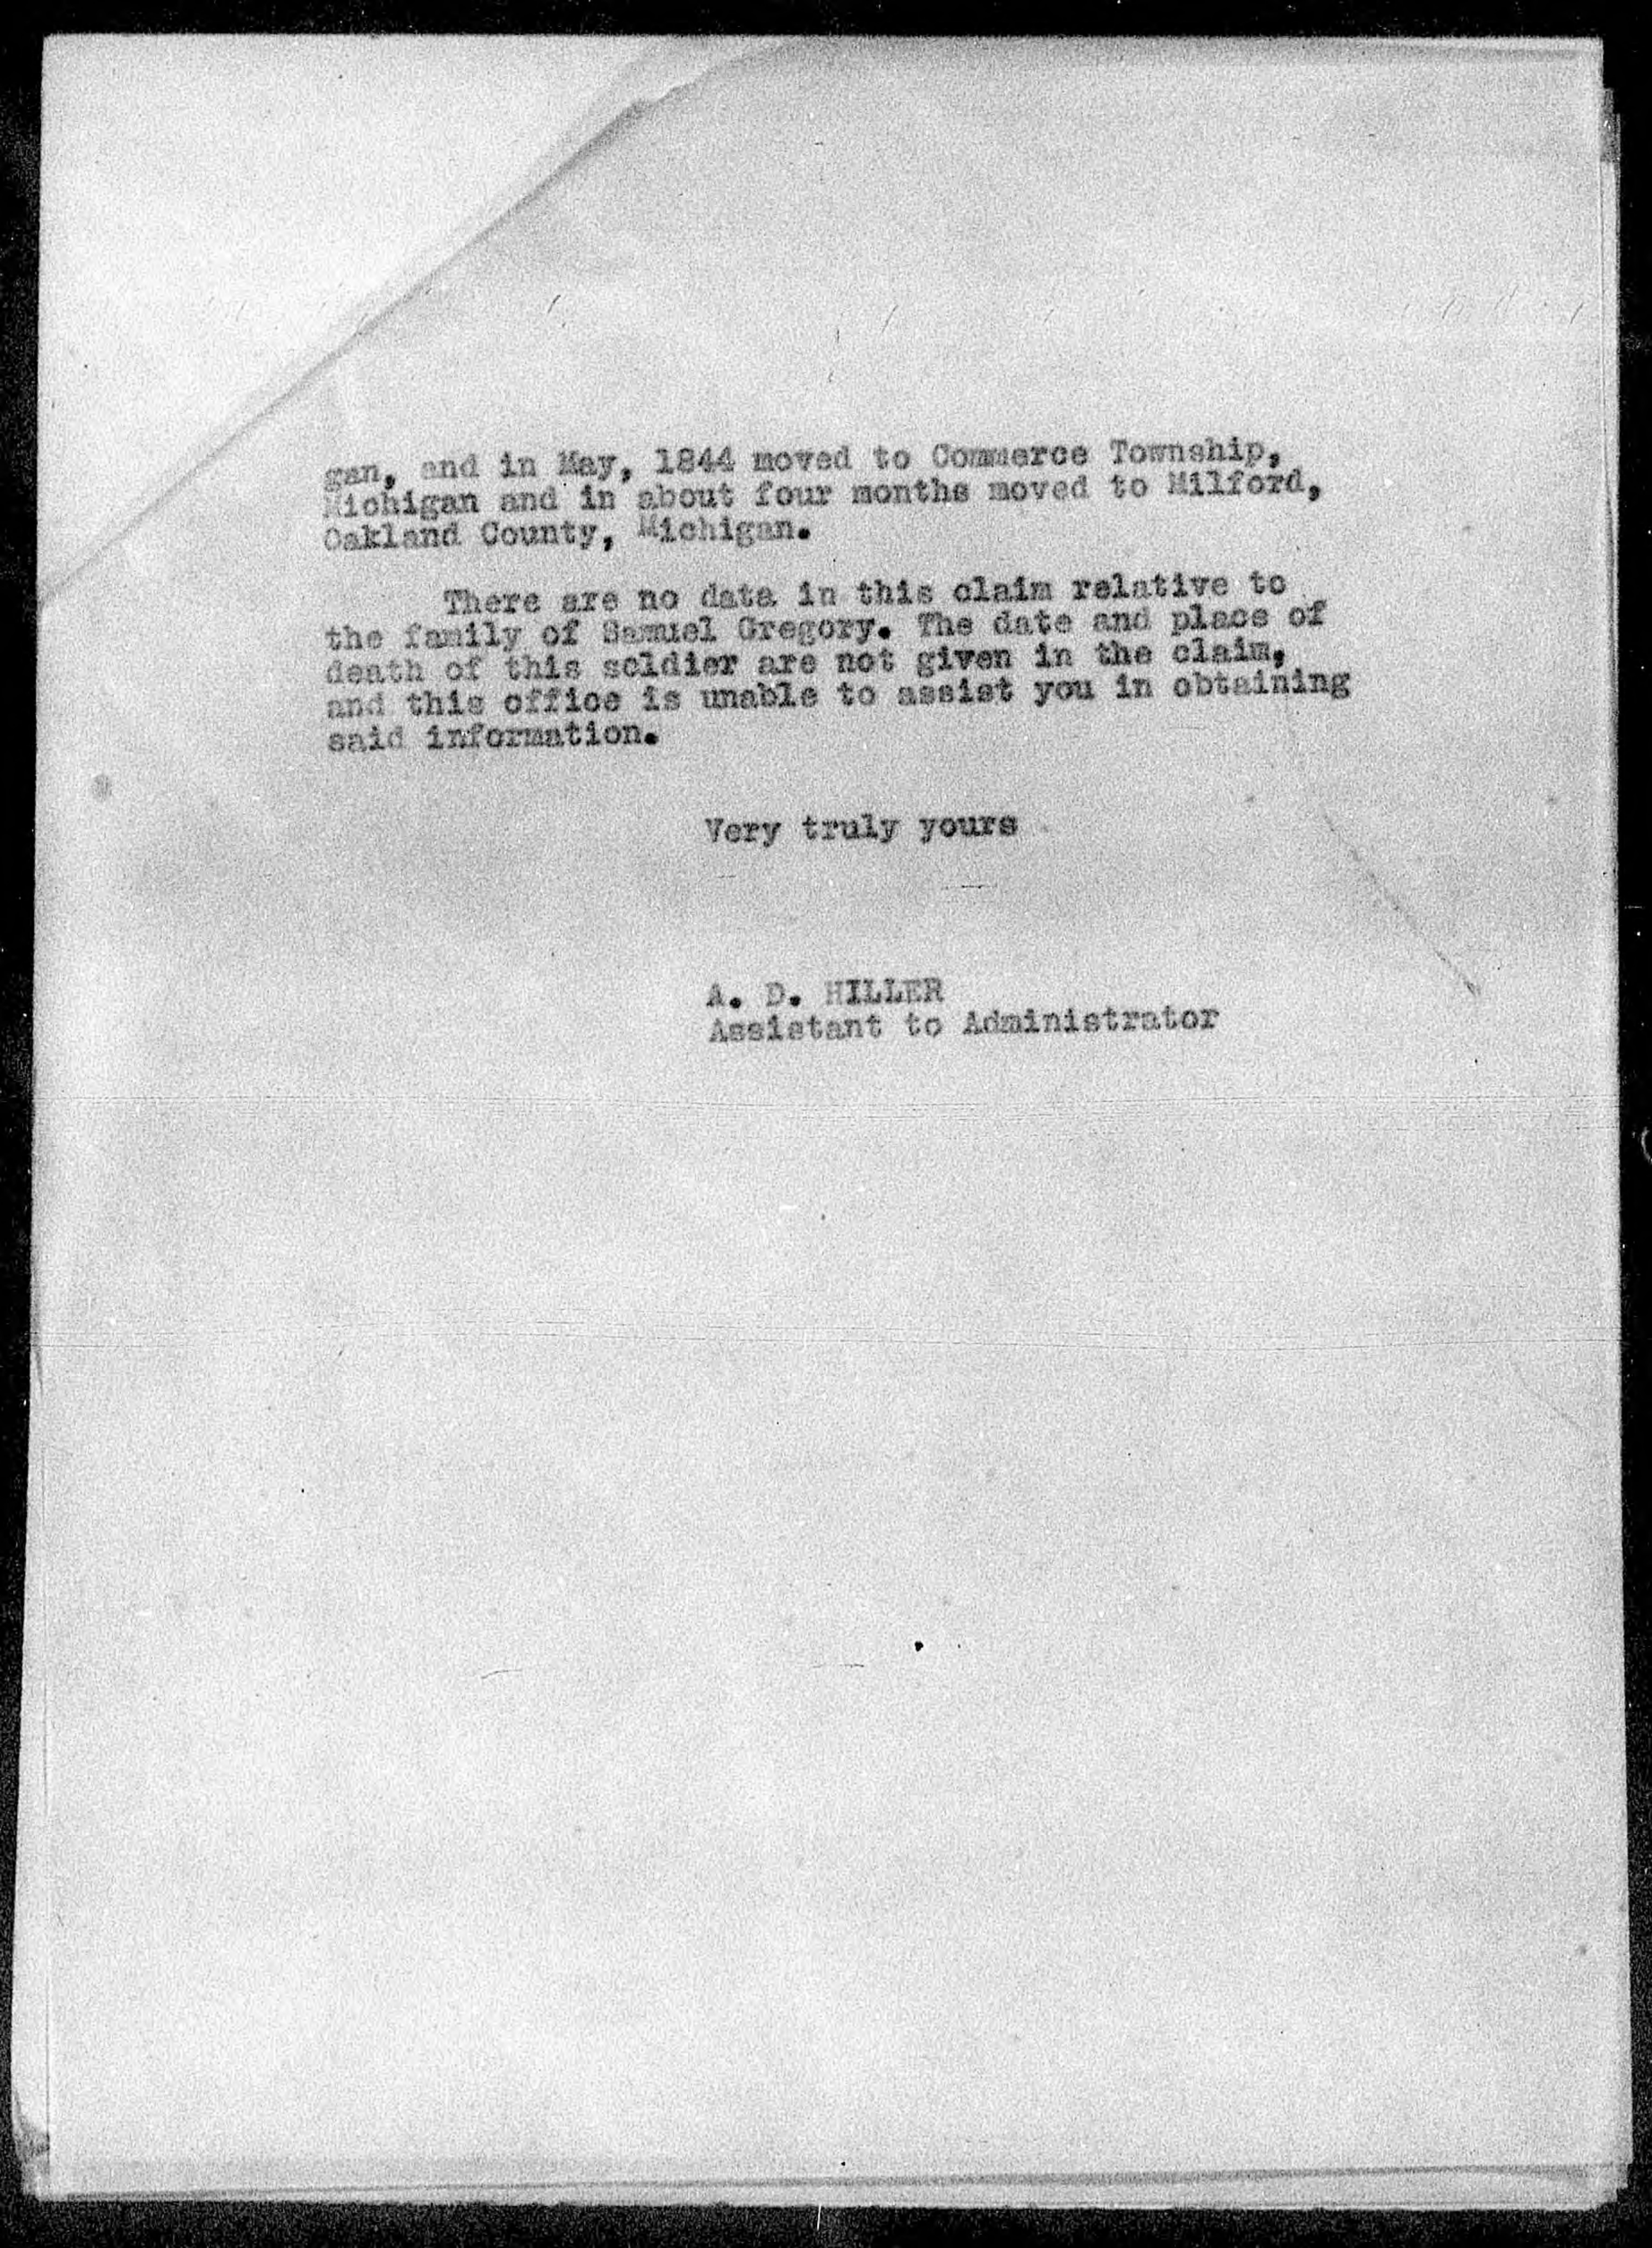gan, and in May, 1844 moved to Commerce Township, Michigan and in about four months moved to Milford, Oakland County, Michigan.

There are no data in this claim relative to the family of Samuel Gregory. The date and place of death of this soldier are not given in the claim, and this office is unable to assist you in obtaining said information.

Very truly yours


A.D.Hiller
Assistant to Administrator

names: Samuel Gregory, A D Hiller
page: 26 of 66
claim: rejected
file: R. 4298, Samuel Gregory, New York